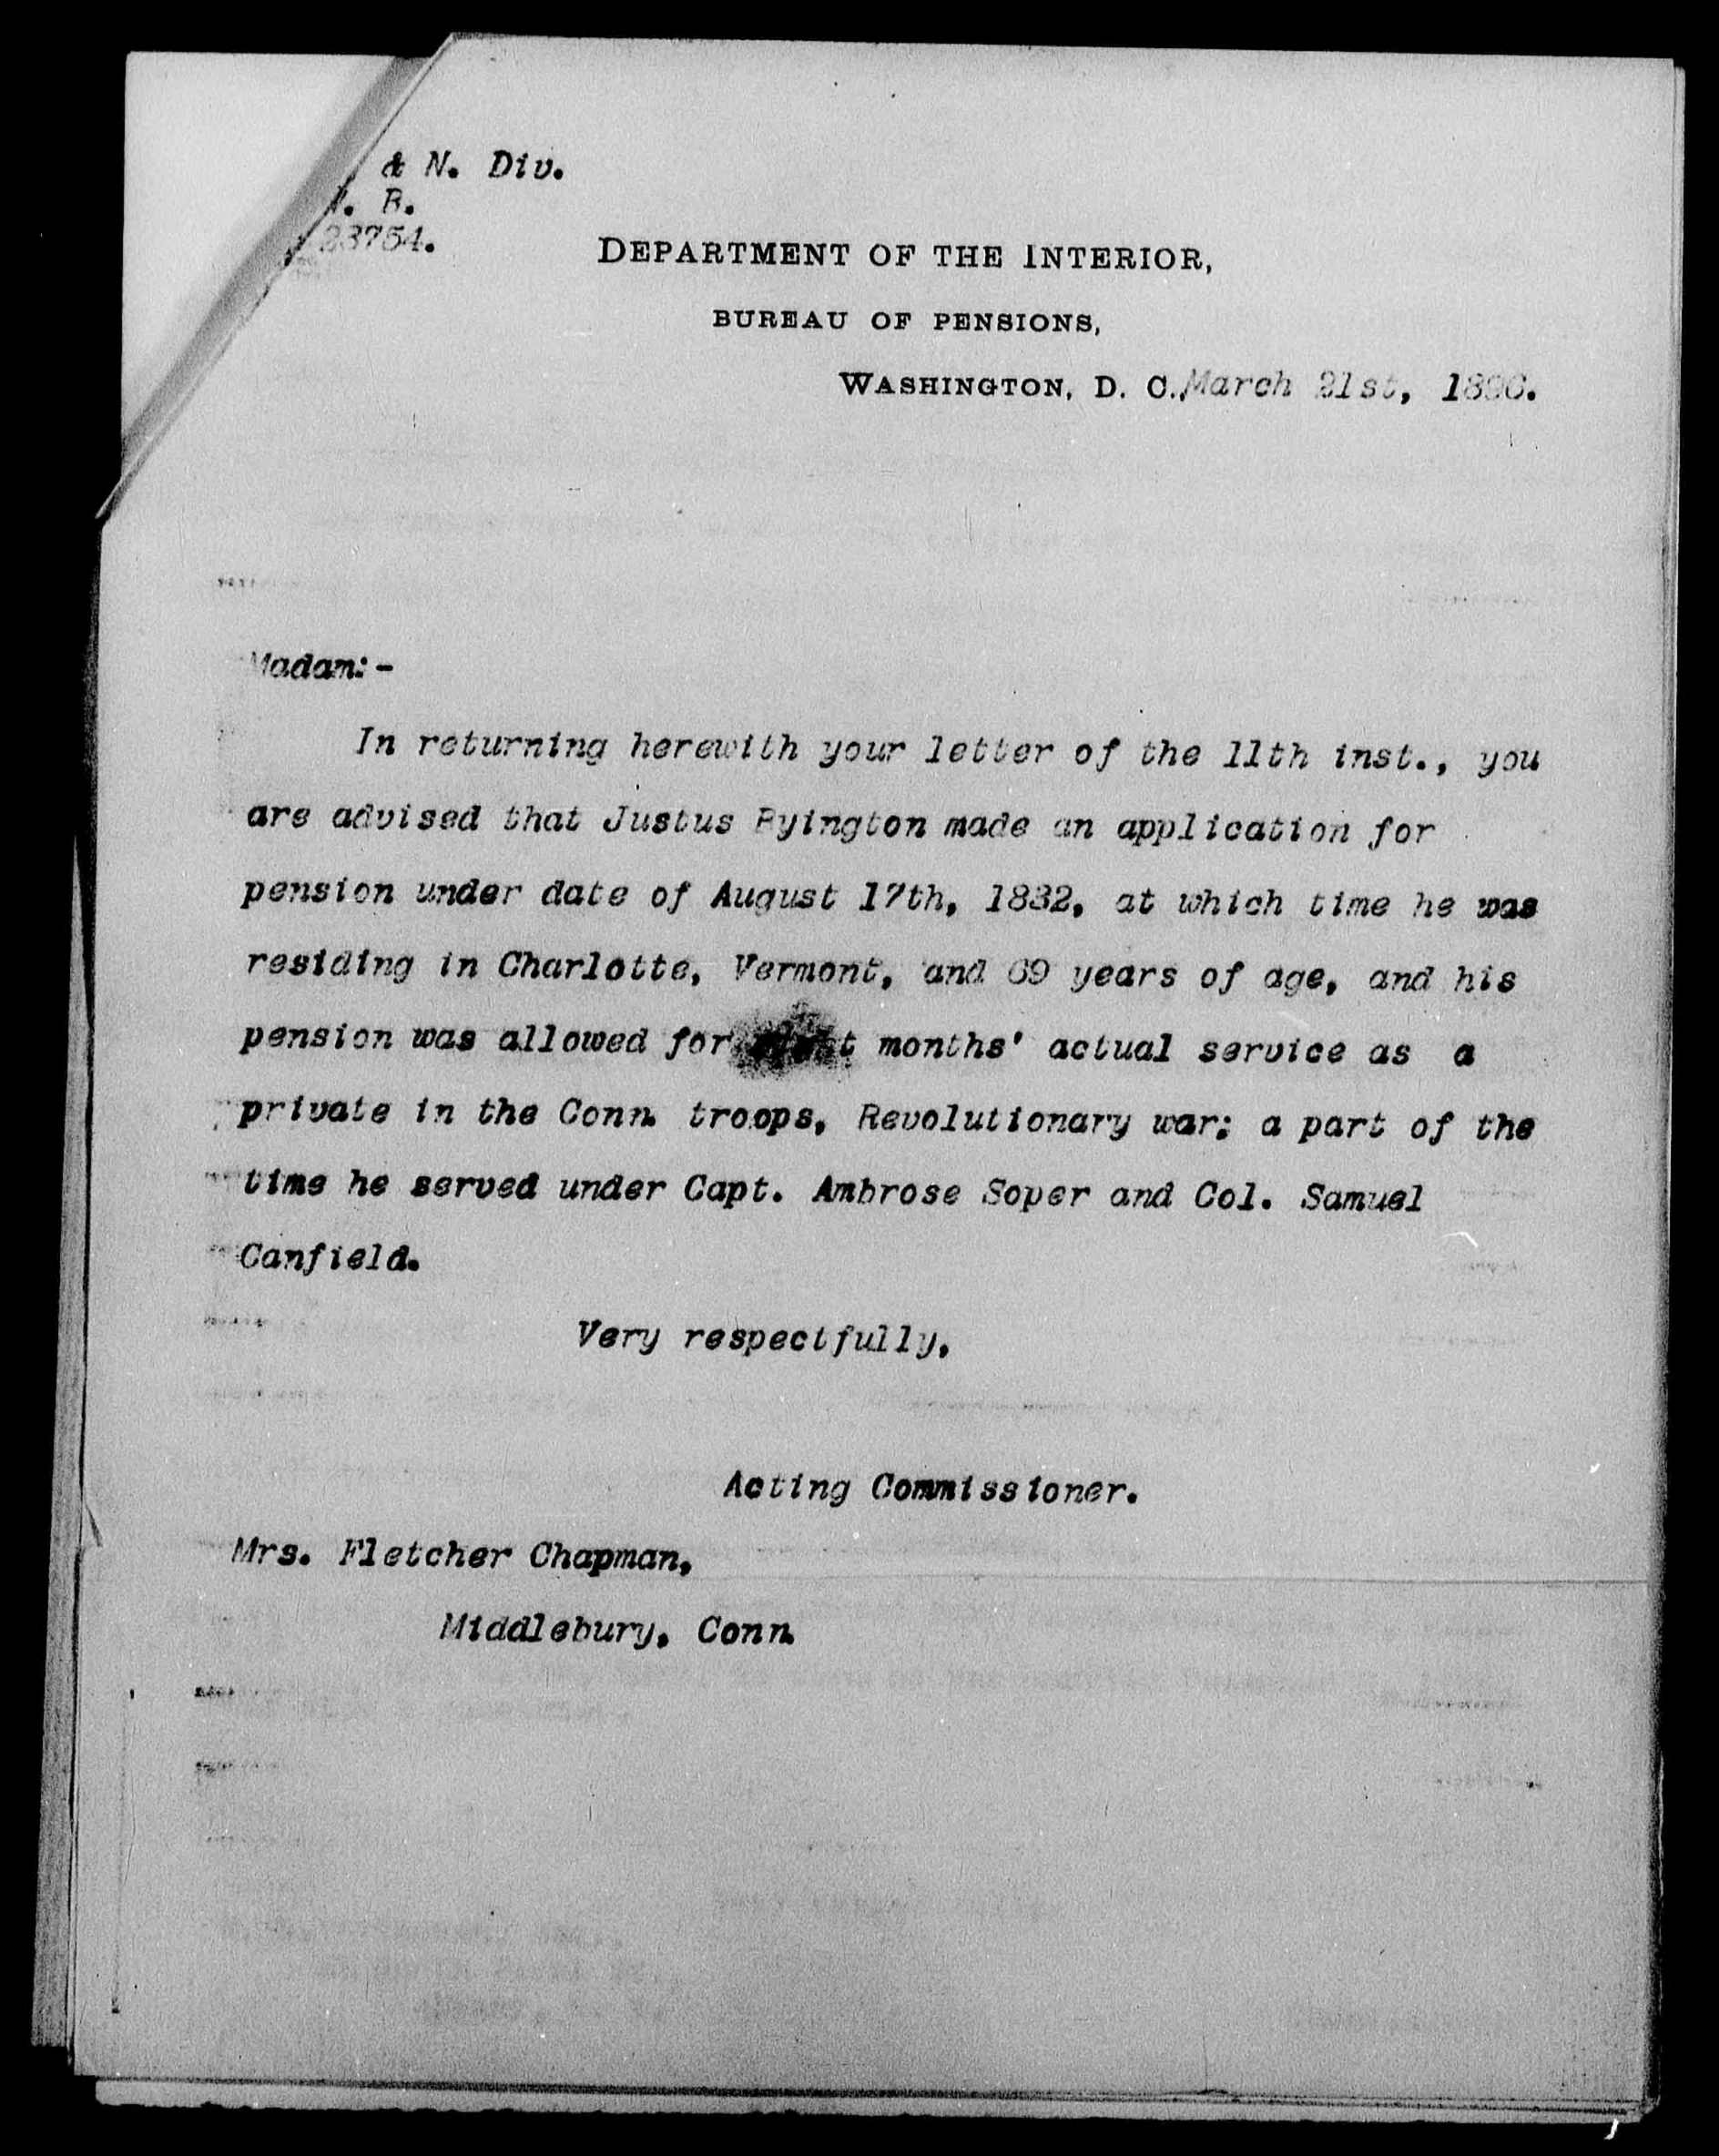& N. Div.
R.
23754.
DEPARTMENT OF THE INTERIOR,
BUREAU OF PENSIONS,
WASHINGTON, D.C. , March 21st, 1896.

Madam:-
In returning herewith your letter of the 11th inst., you are advised that Justus Byington made an application for pension under the date of August 17th, 1832, at which time he was residing in Charlotte, Vermont, and 69 years of age, and his pension was allowed for [illegible] months' actual service as a private in the Conn troops, Revolutionary war; a part of the time he served under Capt. Ambrose Soper and Col. Samuel Canfield.
Very respectfully,
Acting Commissioner.
Mrs. Fletcher Chapman,
Middlebury, Conn.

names: Justus Byington, Fletcher Chapman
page: 78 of 79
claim: widow's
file: W. 23754, Justus Byington, Conn.